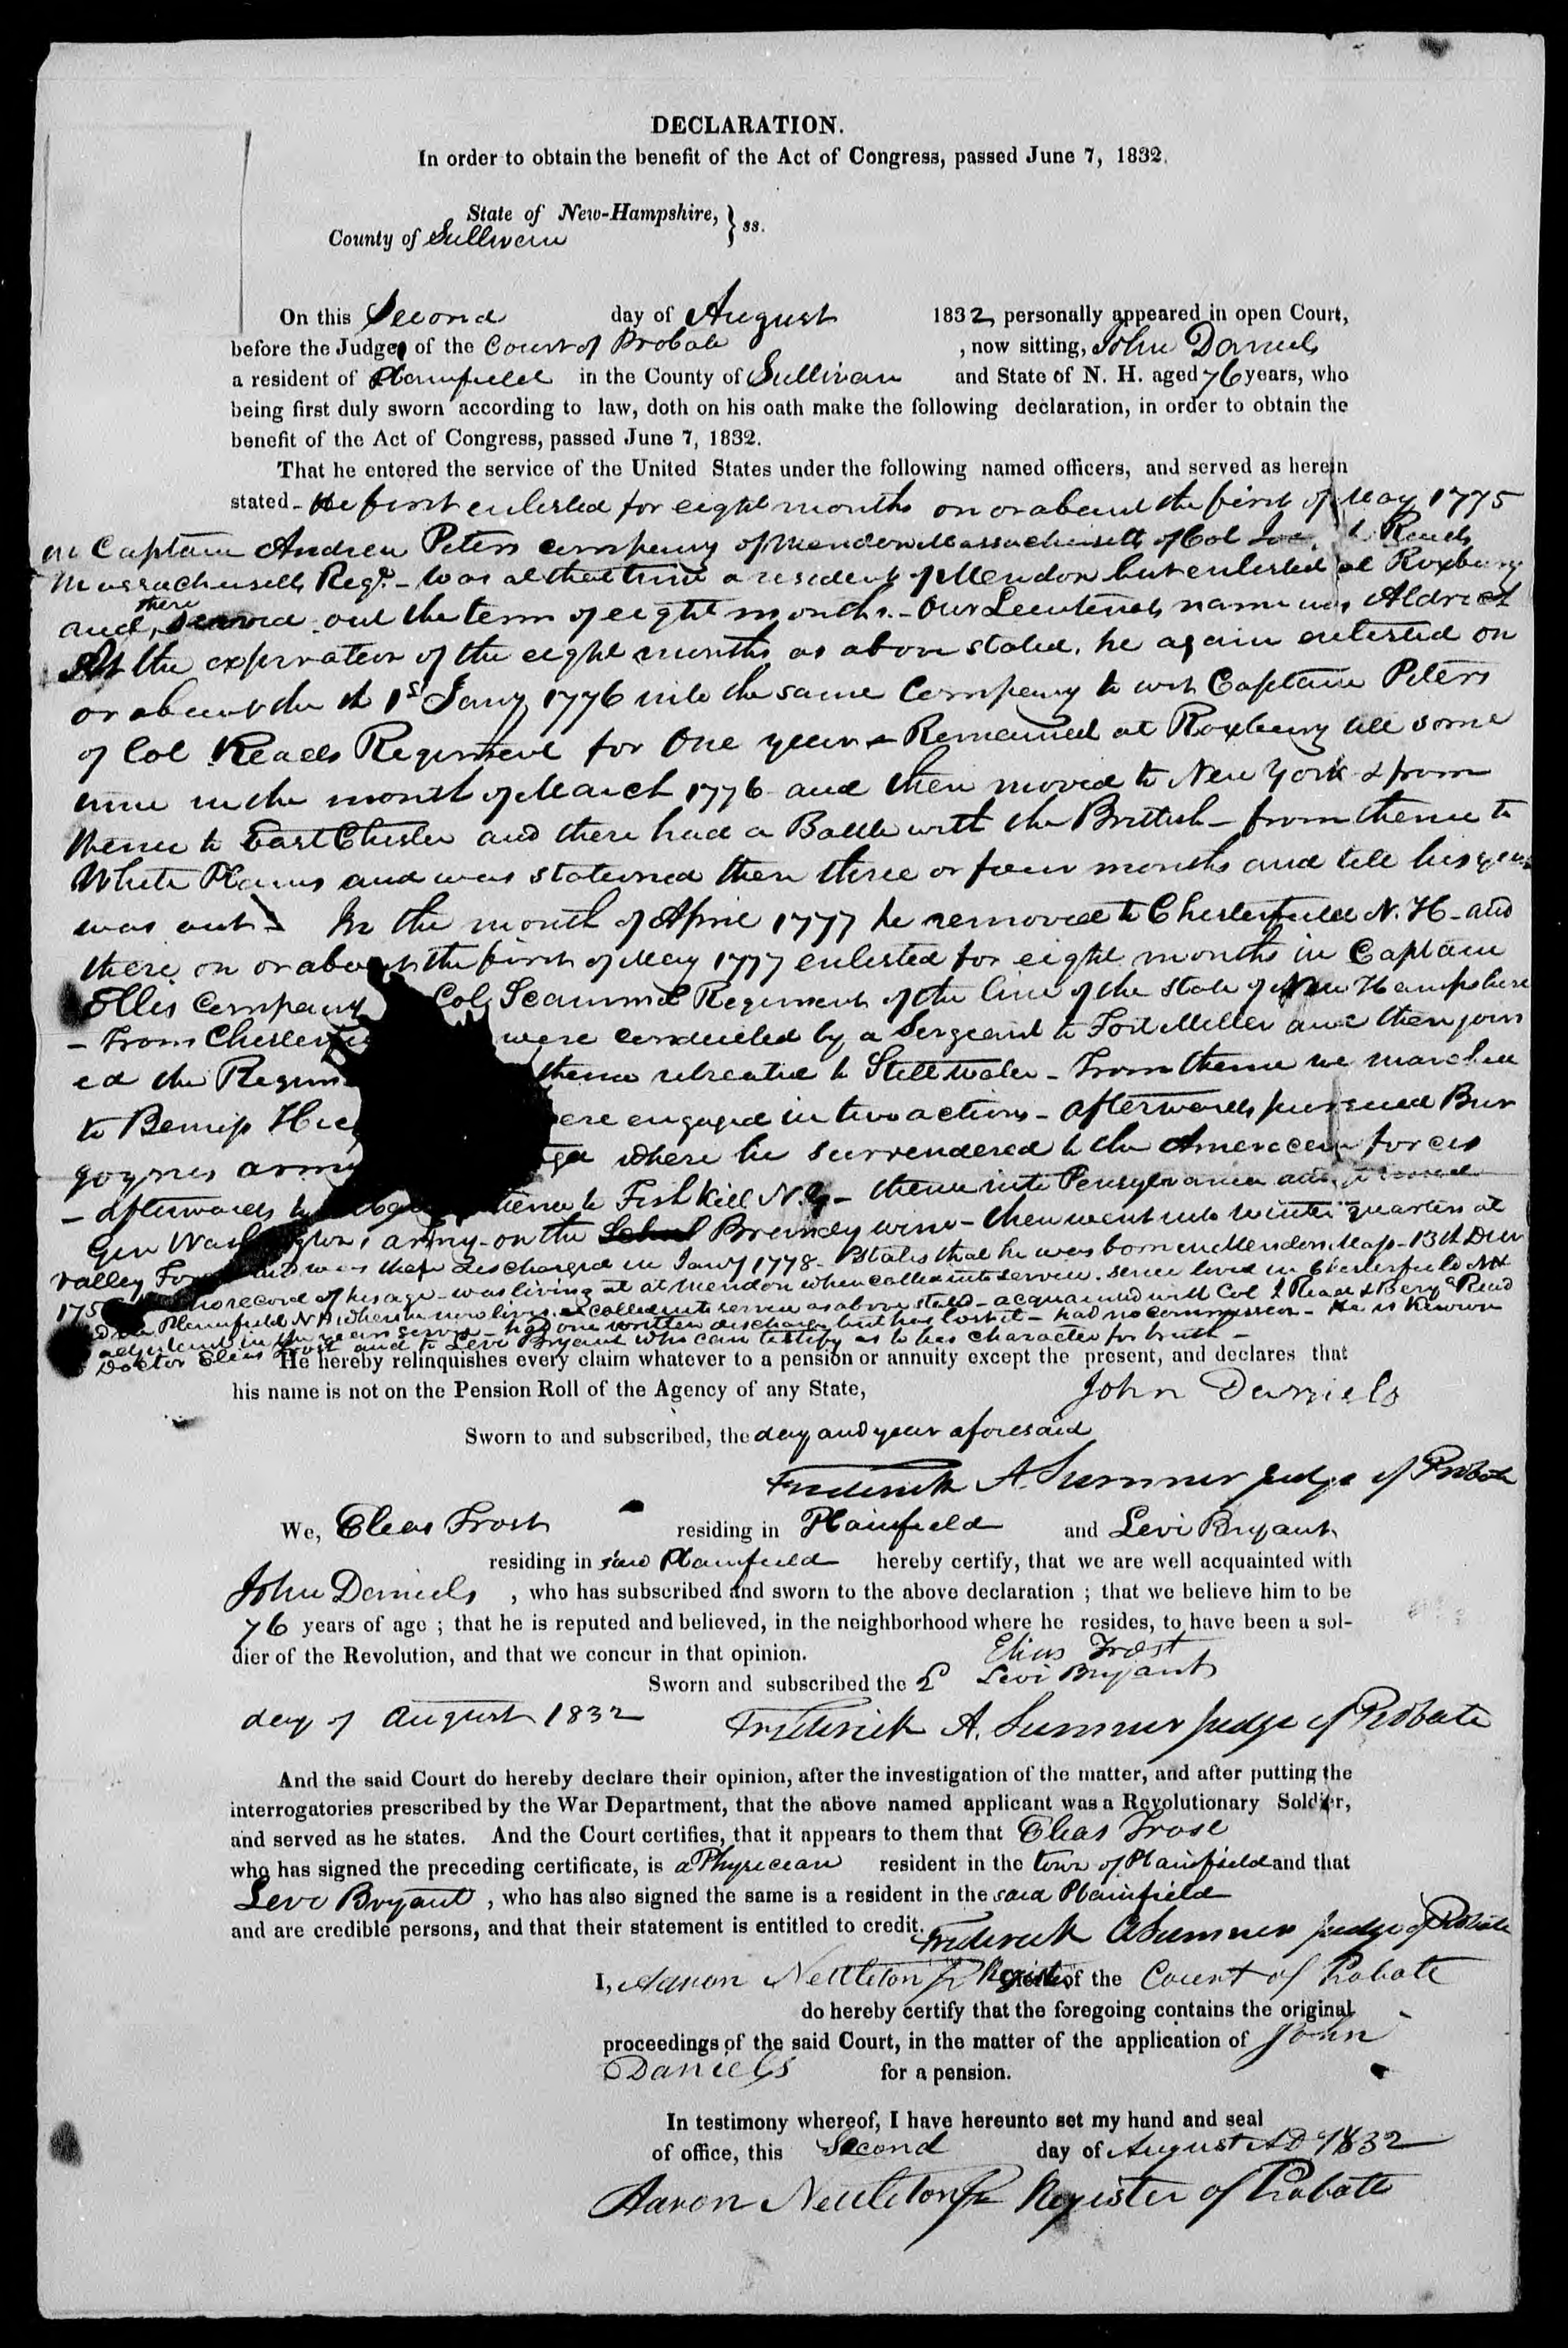DECLARATION.
In order to obtain the benefit of the Act of Congress, passed June 7, 1832.

State of New-Hampshire
County of Sullivan} SS.

On this second day of August 1832, personally appeared in open Court, before the Judges of the Court of Probate, now sitting, John Daniels a resident of Plainfield in the County of Sullivan and State of N. H. aged 76 years, who being first duly sworn according to law, doth on his oath make the following declaration, in order to obtain the benefit of the Act of Congress, passed June 7, 1832.
That he entered the service of the United States under the following named officers, and served as herein stated.
He first enlisted for eight months on or about the first of May 1775 in Captain Andrew Peters company of Mendon Massachusetts of Col Joseph Reads Massachusetts Regt.--was at that time a resident of Mendon but enlisted at Roxbury and there served out the term of eight months-- our Lieutenants name was Aldrich.  At the expiration of the eight months as above stated, he again enlisted on or about the 1st Jany 1776 into the same company to wit Captain Peters of Col. Reads Regiment for one year-- Remained at Roxbury all some time in the month of March 1776 and then moved to New York & from thence to East Chester and there had a Battle with the British-- from thence to White Plains and was stationed there three or four months and till his year was out.  In the month of April 1777 he removed to Chesterfield N.H. and there on or about the first of May 1777 enlisted for eight months in Captain Ellis Company [ink blot] Col [Scammels?] Regiment of the line of the State of New Hampshire--from Chesterfield [ink blot] were conducted by a Sergeant to Fort Miller and then joined the Regiment [ink blot] thence retreated to Stillwater - from thence we marched to [Bemiss? H.....  -  ink blot] were engaged in two actions-- afterwards pursued Burgoynes army [ink blot] where he surrendered to the American forces-- afterwards he [ink blot] thence to Fishkill, N.Y.-- thence into Pennsylvania [illegible] Gen Washingtons army-on the Brandy wine, then went into winter quarters at Valley Forge and was then discharged in Jan 1778- states that he was born in Menden Mass. 13th December 175? [ink blot] no record of his age-- was living at at Mendon when called into service. since lived in Chesterfield, N.H. and then Plainfield NH where he now lives. 
Called into service as above stated--acquainted with Col. L Read &[Berg?] & rece'd [unknown] in the years service-- had one written discharge but has lost it-- had no commission--he is known to Doctor Elias Frost and to Levi Bryant who can testify as his character for truth.--
He hereby relinquishes every claim whatever to a pension or annuity except the present, and declares that his name is not on the Pension Roll of the Agency of any State,
[signed] John Daniels
Sworn to and subscribed, the day and year aforesaid
Frederick A. Sumner Judge of Probate

We, Elias Frost residing in Plainfield and Levi Bryant residing in said Plainfield hereby certify, that we are well acquainted with John Daniels, who has subscribed and sworn to the above declaration; that we believe him to be 76 years of age; that he is reputed and believed, in the neighborhood where he resides, to have been a soldier of the Revolution, and that we concur in that opinion.
[signed]  Elias Frost and Levi Bryant
Sworn and subscribed the 2 day of August 1832
[signed]Frederick A Sumner Judge of Probate

And the said Court do hereby declare their opinion, after the investigation of the matter, and after putting the interrogatories prescribed by the War Department, that the above named applicant was a Revolutionary Soldier, and served as he states. And the Court certifies, that it appears to them that Elias Frost who has signed the preceding certificate, is a Physician resident in the town of Plainfield and that Levi Bryant, who has also signed the same is a resident in the said Plainfield and are credible persons, and that their statement is entitled to credit.  [signed] Fredrich A Sumner, Judge of Probate

I, Aaron Nettleton Jr Register of the Court of Probate do hereby certify that the foregoing contains the original proceedings of the said Court, in the matter of the application of John Daniels for a pension.
In testimony whereof, I have hereunto set my hand and seal of office, this Second day of August AD 1832
[signed] Aaron Nettleton Jr. Register of Probate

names: John Daniels, Levi Bryant, Elias Frost, Elias Frost, Levi Bryant, John Daniels, Levi Bryant, John Daniels, Elias Frost, Aaron Nettleton, Aaron Nettleton, Frederick A Sumner, Washington, Reed, Frederick A Sumner, Read, Frederick A Sumner, Levi Bryant, Elias Frost, Joseph Read, John Daniels, Bery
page: 4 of 43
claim: widow's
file: W 683, John Daniels, Continental Mass. N.H.